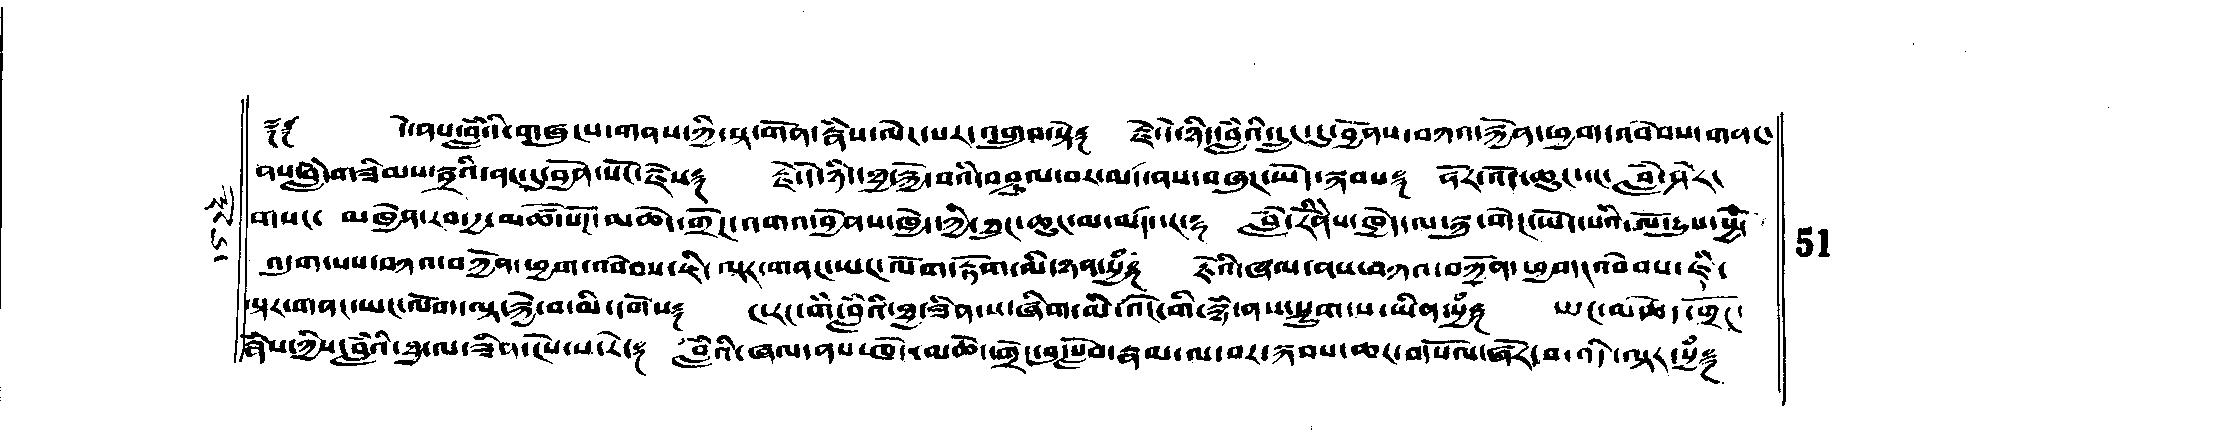དེ་ནས་བླ་མའི་གཞུངས་གནས་ཀྱི་སྟ་གོན་རྣམས་ལེགས་པར་འགྲུབ་སྟེ། རྗེ་དེ་ཉིད་བླ་མའི་དྲུང་དུ་བྱོན་ནས་བཀའ་སྐྱོན་ཕྱག་འབེབས་གནང་
ནས་བླ་མ་གཟིམས་སྦྲའི་ནང་དུ་བྱོན་སོང་རྗེས། རྗེ་དེ་ཉིད་ཐུགས་སྐྱོ་བའི་བཤུམ་པར་མཛད་ནས་བཞུགས་ཡོད་སྐབས། ཧོར་འོད་ཆུང་དང་། བླ་མ་ཤེར་
གསང་། མཁྱེན་རབ་རྒྱ་མཚོ་སོགས་མཆེད་གྲོགས་འགའ་བྱོན་ནས་ཁྱེད་ཀྱི་ཐུགས་ཆུང་མ་མཛད་དང་། བླ་མ་རིན་པོ་ཆེས་ཁྱེད་ལ་སྐུ་གེགས་ཡོད་པའི་ལོ་རྒྱུས་གསུངས་
འདུག་པས་བཀའ་བཀྱོན་ཕྱག་འབེབས་ཇི་ལྟར་གནང་ཡག་ལོག་རྟོག་མི་ཉན་གསུངས། རྗེའི་ཞལ་ནས་བཀའ་བཀྱོན་ཕྱག་འབེབས་ཇི་
ལྟར་གནང་ཡང་ལོག་ལྟ་སྐྱེ་བ་མི་དགོས། ང་རང་གི་བླ་མའི་ཐུགས་ཟིན་པ་ཞིག་མི་འོང་གི་སྙམ་ནས་སྡུག་པ་ཡིན་གསུང་། ཡང་མཆེད་གྲོགས་
རྣམས་ཀྱིས་བླ་མའི་ཐུགས་ལ་ཟིན་ངེས་པ་རེད། བླ་མའི་ཞལ་ནས་ཁོང་མཆེད་གྲོགས་བུ་སློབ་རྣམས་ལ་བར་སྐབས་ཆང་གསོལ་ཞོར་བ་༼ལ?༽འདི་ལྟར་གསུང་།